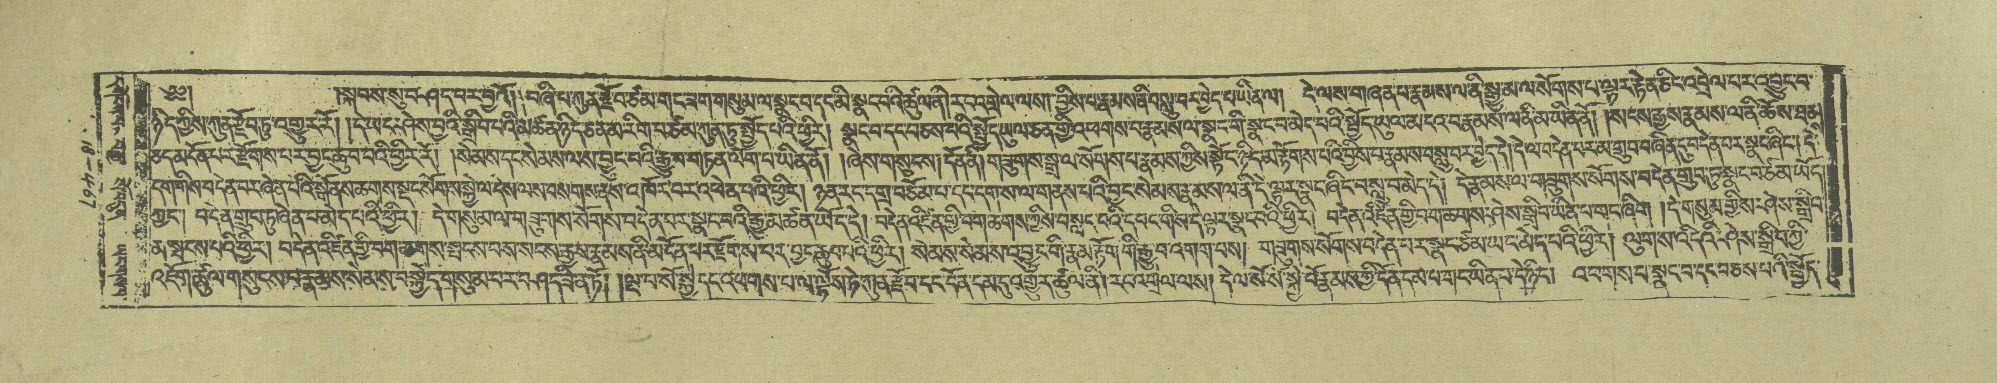༄༅། །སྐབས་སུ་བཤད་པར་བྱའོ། །བཞི་པ་ཀུན་རྫོབ་ཙམ་གང་ཟག་གསུམ་ལ་སྣང་བ་དང་མི་སྣང་བའི་ཚུལ་ནི། རང་འགྲེལ་ལས། བྱིས་པ་རྣམས་ནི་བསླུ་བར་བྱེད་པ་ཡིན་ལ། དེ་ལས་གཞན་པ་རྣམས་ལ་ནི་སྒྱུ་མ་ལ་སོགས་པ་ལྟར་རྟེན་ཅིང་འབྲེལ་བར་འབྱུང་བ་
ཉིད་ཀྱིས་ཀུན་རྫོབ་ཏུ་འགྱུར་རོ། །དེ་ཡང་ཤེས་བྱའི་སྒྲིབ་པའི་མཚན་ཉིད་ཅན་མ་རིག་པ་ཙམ་ཀུན་ཏུ་སྤྱོད་པའི་ཕྱིར། སྣང་བ་དང་བཅས་པའི་སྤྱོད་ཡུལ་ཅན་གྱི་འཕགས་པ་རྣམས་ལ་སྣང་གི་སྣང་བ་མེད་པའི་སྤྱོད་ཡུལ་མངའ་བ་རྣམས་ལ་ནི་མ་ཡིན་ནོ། །སངས་རྒྱས་རྣམས་ལ་ནི་ཆོས་ཐམས་
ཅད་མངོན་པར་རྫོགས་པར་བྱང་ཆུབ་པའི་ཕྱིར་རོ། །སེམས་དང་སེམས་ལས་བྱུང་བའི་རྒྱུ་བ་གཏན་ལོག་པ་ཡིན་ནོ། །ཞེས་གསུངས། དོན་ནི། གཟུགས་སྒྲ་ལ་སོགས་པ་རྣམས་ཀྱིས་སྟོང་ཉིད་མ་རྟོགས་པའི་བྱིས་པ་རྣམས་བསླུ་བར་བྱེད་དེ། དེ་ལ་བདེན་པར་མ་གྲུབ་བཞིན་དུ་བདེན་པར་སྣང་ཞིག་དེ་
དག་གིས་བདེན་པར་ཞེན་པའི་སྒོ་ནས་ཆགས་སྡང་སོགས་སྐྱེ་ལ་དེས་ལས་བསགས་ནས་འཁོར་བར་འཕེན་པའི་ཕྱིར། ཉན་རང་དགྲ་བཅོམ་པ་དང་དག་ས་ལ་གནས་པའི་བྱང་སེམས་རྣམས་ལ་ནི་དེ་ལྟར་སྣང་ཞིང་བསླུ་བ་མེད་དེ། དེ་རྣམས་ལ་གཟུགས་སོགས་བདེན་གྲུབ་ཏུ་སྣང་བ་ཙམ་ཡོད་
ཀྱང་། བདེན་གྲུབ་ཏུ་ཞེན་པ་མེད་པའི་ཕྱིར། དེ་གསུམ་ལ་གཟུགས་སོགས་བདེན་པར་སྣང་བའི་རྒྱུ་མཚན་ཡོད་དེ། བདེན་འཛིན་གྱི་བག་ཆགས་ཀྱི་བསླད་པའི་དབང་གིས་དེ་ལྟར་སྣང་བའི་ཕྱིར། བདེན་འཛིན་གྱི་བག་ཆགས་ཤེས་སྒྲིབ་ཡིན་པ་གང་ཞིག །དེ་གསུམ་གྱིས་ཤེས་སྒྲིབ་
མ་སྤངས་པའི་ཕྱིར། བདེན་འཛིན་གྱི་བག་ཆགས་སྤངས་པས་སངས་རྒྱས་རྣམས་ནི་མངོན་པར་རྫོགས་པར་བྱང་ཆུབ་པའི་ཕྱིར། སེམས་སེམས་འབྱུང་གི་རྣམ་རྟོག་གི་རྒྱུ་བ་འགག་པས། གཟུགས་སོགས་བདེན་པར་སྣང་ཙམ་ཡང་མེད་པའི་ཕྱིར། ལུགས་འདིའི་ཤེས་སྒྲིབ་ཀྱི་
འཇོག་ཚུལ་གསུངས་པ་རྣམས་སེམས་བསྐྱེད་གསུམ་པར་བཤད་ཟིན་ཏོ། །ལྔ་པ་སོ་སྐྱེ་དང་འཕགས་པ་ལ་ལྟོས་ཏེ་ཀུན་རྫོབ་དང་དོན་དམ་དུ་འགྱུར་ཚུལ་ནི། རང་འགྲེལ་ལས། དེ་ལ་སོ་སོ་སྐྱེ་བོ་རྣམས་ཀྱི་དོན་དམ་པ་གང་ཡིན་པ་དེ་ཉིད། འཕགས་པ་སྣང་བ་དང་བཅས་པའི་སྤྱོད་